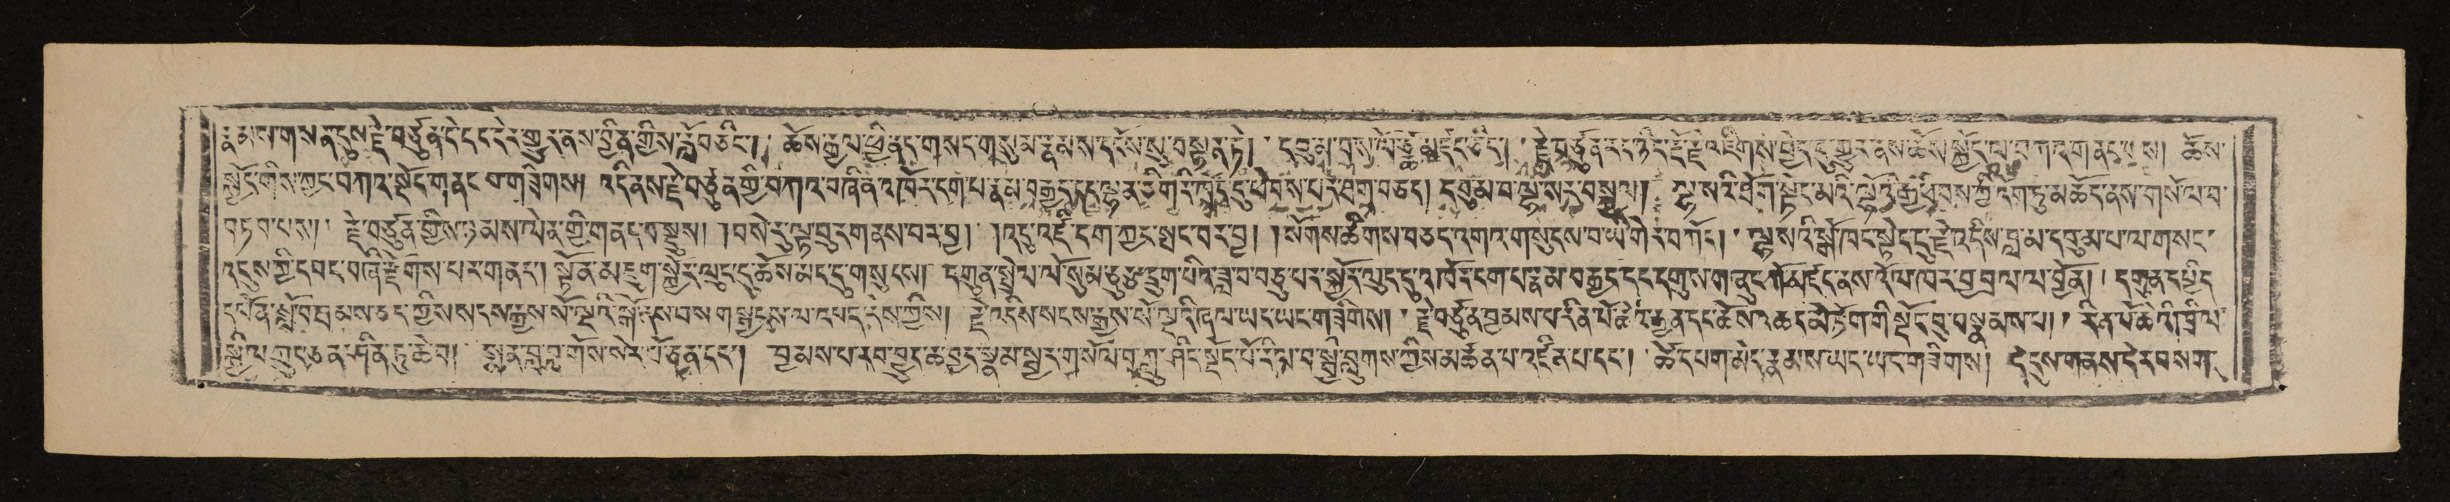རྣམས་གསན་དུས་རྗེ་བཙུན་དེ་དང་དེར་གྱུར་ནས་བྱིན་གྱིས་རློབ་ཅིང་། ཆོས་རྒྱལ་ཕྱི་ནང་གསང་གསུམ་རྣམས་དངོས་སུ་བསྟན་ཏེ། དབུ་མ་པས་ལོ་ཙྪ་མཛད་ཅིང་། རྗེ་བཙུན་རང་ཉིད་རྡོ་རྗེ་འཇིགས་བྱེད་དུ་གྱུར་ནས་ཆོས་སྐྱོང་ལ་བཀའ་གནང་བས། ཆོས་
སྐྱོང་གིས་ཀྱང་བཀའ་སྡོད་གནང་བ་གཟིགས། འདི་ནས་རྗེ་བཙུན་གྱི་བཀའ་བཞིན་འཁོར་དག་པ་རྣམ་བརྒྱུད་དང་ལྷན་ཅིག་རི་ཁྲོད་དུ་ཕེབས་པར་ཐག་བཅད། དབུ་མ་བ་ལྷ་སར་བསྐྱལ། ལྷ་སའི་ཐོག་སྟེང་མའི་ལྷོའི་རྒྱ་ཕིབས་ཀྱི་འོག་ཏུ་མཆོད་ནས་གསོལ་བ་
བཏབ་པས། རྗེ་བཙུན་གྱིས་ཉམས་ལེན་གྱི་གནང་བསྡུས། བསེ་རུ་ལྟ་བུར་གནས་པར་བྱ། །འདུ་འཛི་དག་ཀྱང་སྤང་བར་བྱ། །སོགས་ཚིགས་བཅད་འགའ་གསུངས་པ་ཡི་གེར་བཀོད། ལྷ་སའི་སྒོ་ཁང་སྟེང་དུ་རྗེ་འདིས་བླ་མ་དབུ་མ་པ་ལ་གསང་
འདུས་ཀྱི་དབང་བཞི་རྫོགས་པར་གནང་། སྟོན་མཇུག་སྐྱོར་ལུང་དུ་ཆོས་མང་དུ་གསུངས། དགུན་སྤྲེལ་ལོ་སུམ་ཅུ་རྩ་དྲུག་པའི་ཟླ་བ་བཅུ་བར་སྐྱོར་ལུང་དུ་འཁོར་དག་པ་རྣམ་བརྒྱད་དང་དགུས་གཞུང་ཀོ་མཛད་ནས་འོལ་ཁར་བྱ་བྲལ་ལ་བྱོན། དགུན་དཔྱིད་
དཔོན་སློབ་ཐམས་ཅད་ཀྱིས་སངས་རྒྱས་སོ་ལྔའི་སྒོ་ནས་བསག་སྦྱངས་ལ་འབད་རེས་ཀྱིས། རྗེ་འདིས་སངས་རྒྱས་སོ་ལྔའི་ཞལ་ཡང་ཡང་གཟིགས། རྗེ་བཙུན་བྱམས་པ་རིན་པོ་ཆེའི་རྒྱན་དང་ཆོས་འཆད་མེ་ཏོག་གི་སྡོང་བུ་བསྣམས་པ། རིན་པོ་ཆེའི་ཁྲིལ་
སྐྱིལ་ཀྲུང་ཅན་ཤིན་ཏུ་ཆེ་བ། སྨན་བླ་བླ་གོས་སེར་པོ་ཅན་དང་། བྱམས་པ་རབ་བྱུང་ཆ་བྱད་སྣམ་སྦྱར་གསོལ་བ་ཀླུ་ཤིང་སྡོང་པོ་རིལ་བ་སྤྱི་བླུགས་ཀྱིས་མཚན་པ་འཛིན་པ་དང་། ཚེ་དཔག་མེད་རྣམས་ཡང་ཡང་གཟིགས། དེ་དུས་གནས་དེར་བསག་